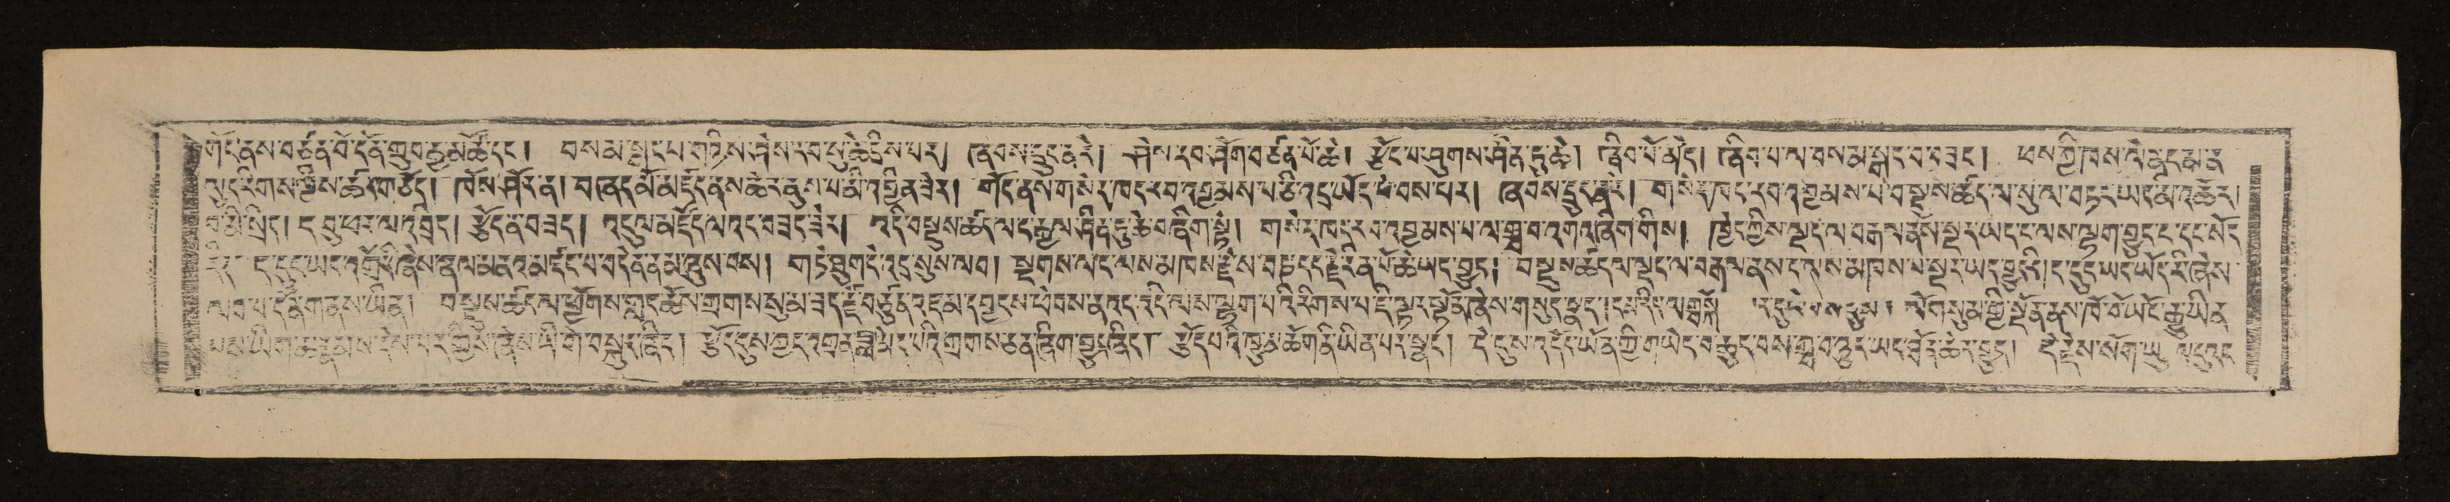གོང་ནས་བཙན་པོ་དོན་གྲུབ་རྒྱ་མཚོ་དང་། བསམ་སྒང་བ་གཉིས་ཤེས་རབ་སུ་ཆེ་དྲིས་པར། ཞབས་དྲུང་ན་རེ། ཤེས་རབ་ཤོག་བཙན་པོ་ཆེ། རྩོད་པ་ཤུགས་ཤིན་ཏུ་ཆེ། ཞིབ་པོ་མེད། ཞིབ་པ་ལ་བསམ་སྒང་བ་བཟང་། ཕས་ཀྱི་ཁས་ལེན་དམན།
ལུང་རིགས་ཀྱིས་ཚར་གཅོད། ཁོས་ཤོར་ན། བཞད་མོ་མཛད་ནས་ཆེར་ནུས་པ་མི་འབྱིན་ཟེར། གོང་ནས་གསེར་ཁང་རབ་འབྱམས་པ་ཅི་འདྲ་ཡོད་ཕེབས་པར། ཞབས་དྲུང་ན་རེ། གསེར་ཁང་རབ་འབྱམས་པ་བསྡུས་ཚད་ལ་སུ་ལ་བཏང་མི་འཆོར་
བ་མི་སྲིད། དབུ་ཕར་ལ་འབྲིང་། རྩོད་ན་བཟང་། འདུལ་མཛོད་ལའང་བཟང་ཟེར། འདི་བསྡུས་ཚད་ལ་ང་རྒྱལ་ཤིན་ཏུ་ཆེ་བ་ཞིག་སྟེ། གསེར་ཁང་རབ་འབྱམས་པ་ལ་གྲྭ་བ་འགའ་ཞིག་གིས། ཁྱེད་ཀྱིས་སྡང་ལ་བརྒལ་ནས་སྔར་ཡང་ང་ལས་ལྷག་བྱུང་དེ་དང་སོང་
རི༑ ད་དུང་ཡང་འགྲོ་རི་ཞེས་ཞལ་མན་མཛད་པ་བདེན་ནམ་ཞུས་པས། གཏེ་ཐུག་དེ་འདྲ་སུས་ལབ། སྔགས་ལ་ང་ལས་མཁས་རྗེས་པཎ་དང་རྗེ་རིན་པོ་ཆེ་ཡང་བྱུང་། བསྡུས་ཚད་ལ་ལྡང་ལ་བརྒལ་ནས་ང་ལས་མཁས་པ་སྔར་ཡང་བྱུང་རི། ད་དུང་ཡང་ཡོང་རི་ཞེས་
ལབ་པ་དོན་གནས་ཡིན། བསྡུས་ཚད་ལ་ཕྱོགས་གླང་ཆོས་གྲགས་སུམ་ཟད་རྗེ་བཙུན་འཇམ་དབྱངས་ཕེབས་ནའང་འདི་ལས་ལྷག་པའི་རིགས་པ་ཇི་ལྟར་སྟོན་ཞེས་གསུང་སྣང་། དམ་རིང་ལ་གྲྭ་སྐོར་དུ་ཕེབས་དུས། ལོ་གསུམ་གྱི་སྔོན་ནས་ཁོ་བོ་ཡོང་རྒྱུ་ཡིན་
པས་ཡིག་ཆ་རྣམས་ངེས་པར་གྱིས་ཞེས་ཡི་གེ་བསྐུར་ཞིང་། རྩོད་དུས་ཀྱང་འགྲན་ཟླ་མེད་པའི་གྲགས་ཅན་ཞིག་བྱུང་ཞིང་། རྩོད་པའི་ཁྱུ་མཆོག་ནི་ཡིན་པར་སྣང་། དེ་དུས་འདོད་ཡོན་གྱི་གཡེང་བ་ཆུང་བས་གྲྭ་བ་ཉུང་ཡང་ཐོན་ཆེར་བྱུང་། དེ་རྗེས་སོག་ཡུལ་དུའང་